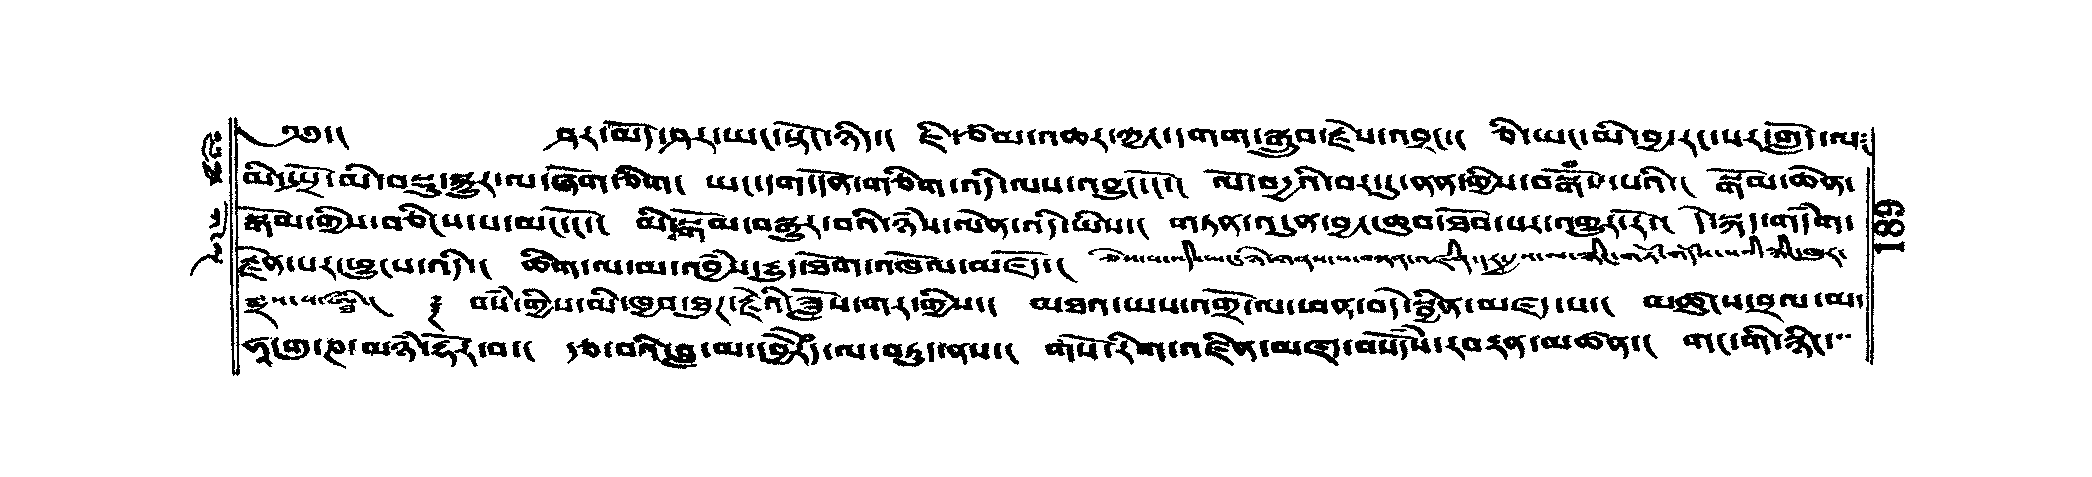ཤར་མེད་ཤར་ཡང་སྟོང་ཉིད། །ཇི་ཙམ་འཆར་ཀྱང་དགག་སྒྲུབ་རྗེས་འབྲང་། །ཅི་ཡང་མི་བྱ་རང་སར་གློད་ལ། །
མི་སྤྲོ་མི་བསྡུ་སྐྱུར་ལ་ཞོག་ཅིག །ཡང་དག་དོན་གཅིག་འདི་ལས་འབྱུང་ངོ་། །ལོ་བརྒྱའི་བར་དུ་ནན་གྱིས་བསྒོམ་པའི། །སྒོམ་ཆེན་
སྒོམ་གྱིས་བཅིངས་པ་མང་ངོ་། །མི་བསྒོམ་བསྒྱུར་བའི་ཉམས་ལེན་འདི་ཡིས། །གཏན་འདུན་བྱང་ཆུབ་ཐོབ་པར་འགྱུར་རོ། །དེ་སྐད་གདམས་
ངག་རྗེན་པར་ཕྱུངས་འདི། །ཚིག་ལ་མ་འབྱམས་རྒྱུད་ཐོག་འཁེལ་མཛོད། ཅེས་པ་འདི་ཡང་ཉེ་གནས་པ་བསྟན་འཛིན་དར་རྒྱས་ལ་སྙིང་གཏམ་གདམས་པའི་སྙིང་ཁུར་
སྨྲས་པ་།། ༈ བསམ་གྱིས་མི་ཁྱབ་ཐུགས་རྗེའི་ཟློས་གར་གྱིས། །མཐའ་ཡས་འགྲོ་ལ་ཕན་བདེ་སྦྱིན་མཛད་པ། །མཚུངས་བྲལ་མ་
ཧཱ་གུ་ཎ་མཉམ་རྡོར་བ། །རྩ་བའི་བླ་མ་དབྱེར་མེད་ལ་བཏུད་ནས། །གསོ་རིག་འཛིན་མཛད་བསོད་ནམས་རབ་རྟན་མཚན། །གང་གི་སྙིང་